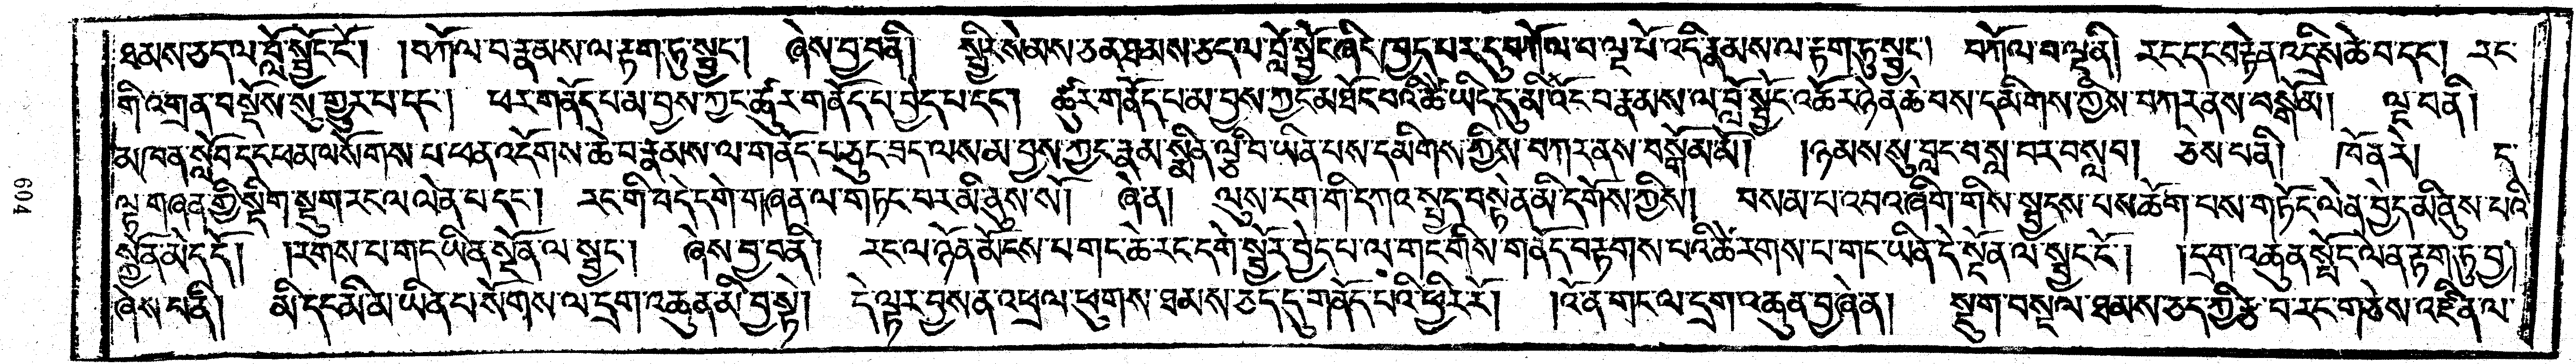ཐམས་ཅད་ལ་བློ་སྦྱོང་ངོ། །བཀོལ་བ་རྣམས་ལ་རྟག་ཏུ་སྦྱང་། ཞེས་བྱ་བ་ནི། སྤྱིར་སེམས་ཅན་ཐམས་ཅད་ལ་བློ་སྦྱོང་ཞིང་ཁྱད་པར་དུ་བཀོལ་བ་ལྔ་པོ་འདི་རྣམས་ལ་རྟག་ཏུ་སྦྱང་། བཀོལ་བ་ལྔ་ནི། རང་དང་བརྟེན་འདྲིས་ཆེ་བ་དང་། རང་
གི་འགྲན་བསྡོས་སུ་གྱུར་པ་དང་། ཕར་གནོད་པ་མ་བྱས་ཀྱང་ཚུར་གནོད་པ་བྱེད་པ་དང་། ཚུར་གནོད་པ་མ་བྱས་ཀྱང་མཐོང་བའི་ཚེ་ཡིད་དུ་མི་འོང་བ་རྣམས་ལ་བློ་སྦྱོང་འཆོར་ཉེན་ཆེ་བས་དམིགས་ཀྱིས་བཀར་ནས་བསྒོམ། ལྔ་བ་ནི།
མཁན་སློབ་དང་ཕམ་ལ་སོགས་པ་ཕན་འདོགས་ཆེ་བ་རྣམས་ལ་གནོད་པ་ཅུང་ཟད་ལས་མ་བྱས་ཀྱང་རྣམ་སྨིན་ལྕི་བ་ཡིན་པས་དམིགས་ཀྱིས་བཀར་ནས་བསྒོམ་མོ། །ཉམས་སུ་བླང་བ་སླ་བར་བསླབ། ཅེས་པ་ནི། ཁོ་ན་རེ། ད་
ལྟ་གཞན་གྱི་སྡིག་སྡུག་རང་ལ་ལེན་པ་དང་། རང་གི་བདེ་དགེ་གཞན་ལ་གཏང་བར་མི་ནུས་སོ། ཞེ་ན། ལུས་ངག་གི་དཀའ་སྤྱད་བསྟེན་མི་དགོས་ཀྱིས། བསམ་པ་འབའ་ཞིག་གིས་སྦྱངས་པས་ཆོག་པས་གཏོང་ལེན་བྱེད་མི་ནུས་པའི་
སྐྱོན་མེད་དོ། །རགས་པ་གང་ཡིན་སྔོན་ལ་སྦྱང་། ཞེས་བྱ་བ་ནི། རང་ལ་ཉོན་མོངས་པ་གང་ཆེ་རང་དགེ་སྦྱོར་བྱེད་པ་ལ་གང་གིས་གནོད་བརྟགས་པའི་ཚེ་རགས་པ་གང་ཡིན་དེ་སྔོན་ལ་སྦྱང་ཨངོ། །དྲག་འཆུན་སྤོང་ལེན་རྟག་ཏུ་བྱ།
ཞེས་པ་ནི། མི་དང་མི་མ་ཡིན་པ་སོགས་ལ་དྲག་འཆུན་མི་བྱ་སྟེ། དེ་ལྟར་བྱས་ན་འཕྲལ་ཕུགས་ཐམས་ཅད་དུ་གནོད་པའི་ཕྱིར་རོ། །འོ་ན་གང་ལ་དྲག་འཆུན་བྱ་ཞེ་ན། སྡུག་བསྔལ་ཐམས་ཅད་ཀྱི་རྩ་བ་རང་གཅེས་འཛིན་ལ་